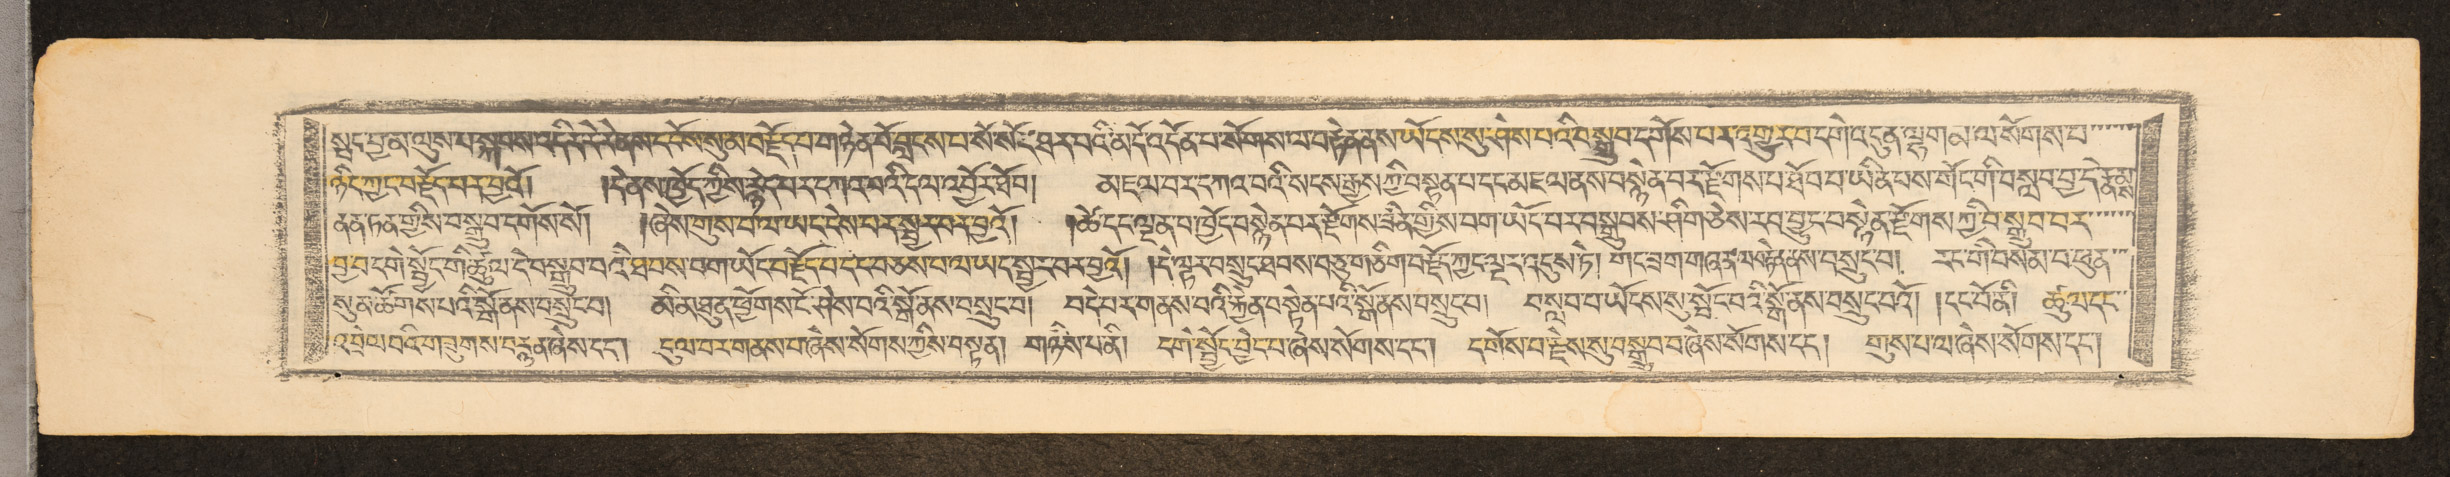སྤང་བྱ་མ་ལུས་པ་སྐབས་འདིར་རེ་རེ་ནས་དངོས་སུམ་བརྗོད་པ་གཉེན་པོ་བླངས་པ་སོ་སོར་ཐར་པའི་མདོ་འདོན་པ་སོགས་ལ་བརྟེན་ནས་ཡོངས་སུ་ཤེས་པའི་བསྒྲུབ་དགོས་པར་འགྱུར་བ་དགེ་འདུན་ལྷག་མ་ལ་སོགས་པ་
ཉིད་ཀྱང་བརྗོད་པར་བྱའོ། །དེ་ནས་ཁྱོད་ཀྱིས་རྙེད་པར་དཀའ་བའི་དལ་འབྱོར་ཐོབ། མཇལ་བར་དཀའ་བའི་སངས་རྒྱས་ཀྱི་བསྟན་པ་དང་མཇལ་ནས་བསྙེན་པར་རྫོགས་པ་ཐོབ་པ་ཡིན་པས་གོང་གི་བསླབ་བྱ་དེ་རྣམས་
ནན་ཏན་གྱིས་བསྒྲུབ་དགོས་སོ། །ཞེས་གུས་པ་ལ་ཡང་ངེས་པར་སྦྱར་བར་བྱའོ། །ཚེ་དང་ལྡན་པ་ཁྱོད་བསྙེན་པར་རྫོགས་ཟིན་གྱིས་བག་ཡོད་པར་བསྒྲུབས་ཤིག་ཅེས་རབ་བྱུང་བསྙེན་རྫོགས་ཀྱི་བསྒྲུབ་པར་
བྱ་བ་དགེ་སྦྱོང་གི་ཚུལ་དེ་བསྒྲུབ་པའི་ཐབས་བག་ཡོད་བརྗོད་པ་དང་བཅས་པ་ལ་ཡང་སྦྱར་བར་བྱའོ། །དེ་ལྟར་བསྲུང་ཐབས་བཅུ་གཅིག་བརྗོད་ཀྱང་ལྔར་འདུས་ཏེ། གང་ཟག་གཞན་ལ་བརྟེན་ནས་བསྲུང་བ། རང་གི་བསམ་པ་ཕུན་
སུམ་ཚོགས་པའི་སྒོ་ནས་བསྲུང་བ། མི་མཐུན་ཕྱོགས་ངོ་ཤེས་པའི་སྒོ་ནས་བསྲུང་བ། བདེ་བར་གནས་པའི་རྐྱེན་བསྟེན་པའི་སྒོ་ནས་བསྲུང་བ། བསླབ་པ་ཡོངས་སུ་སྦྱོང་བའི་སྒོ་ནས་བསྲུང་བའོ། །དང་པོ་ནི། ཚུལ་དང་
འབྲེལ་བའི་གཟུགས་བརྙན་ཞེས་དང་། དུལ་བར་གནས་པ་ཞེས་སོགས་ཀྱིས་བསྟན། གཉིས་པ་ནི། དགེ་སྦྱོང་བྱེད་པ་ཞེས་སོགས་དང་། དགོས་པ་རྗེས་སུ་བསྒྲུབ་པ་ཞེས་སོགས་དང་། གུས་པ་ལ་ཞེས་སོགས་དང་།